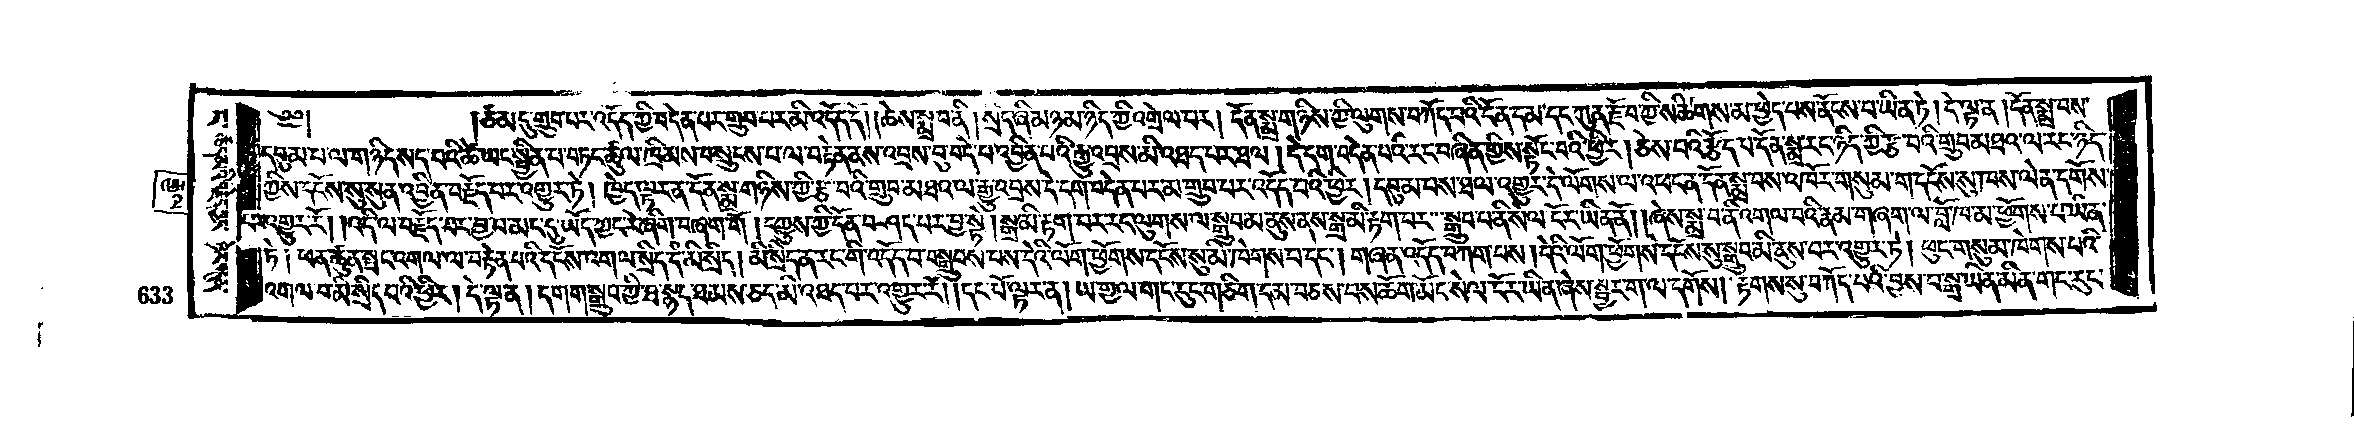༄༅། །ཙམ་དུ་གྲུབ་པར་འདོད་གྱི་བདེན་པར་གྱུར་པར་མི་འདོད་དོ། །ཆེས་སྨྲ་བ་ནི། སྲིད་ཞི་མཉམ་ཉིད་ཀྱི་འགྲེལ་བར། དོན་སྨྲ་གཉིས་ཀྱི་ལུགས་བཀོད་པའི་དོན་དམ་དང་ཀུན་རྫོབ་ཀྱིས་ཚིགས་མ་ཕྱེད་པས་ནོངས་པ་ཡིན་ཏེ། དེ་ལྟ་ན། དོན་སྨྲ་བས་
དབུམ་པ་ལ་གཉིད་སད་པའི་ཚེ་ཡང་སྦྱིན་པ་བཏང་ཚུལ་ཁྲིམས་བསྲུངས་པ་ལ་བརྟེན་ནས་འབྲས་བུ་བདེ་པ་འབྱིན་པའི་རྒྱུ་འབྲས་མི་འཐད་པར་ཐལ། དེ་དག་བདེན་པའི་རང་བཞིན་གྱིས་སྟོང་པའི་ཕྱིར། ཅེས་པའི་རྩོད་པ་དོན་སྨྲ་རང་ཉིད་ཀྱི་རྩ་བའི་གྲུབ་མཐའ་ལ་རང་ཉིད་
ཀྱིས་དངོས་སུ་སུན་འབྱིན་བརྗོད་པར་འགྱུར་ཏེ། ཁྱེད་ལྟར་ན་དོན་སྨྲ་གཉིས་ཀྱི་རྩ་བའི་གྲུབ་མཐའ་ཨ་རྒྱུ་འབྲས་དེ་དག་བདེན་པར་མ་གྲུབ་པར་འདོད་པའི་ཕྱིར། དབུ་མ་པས་ཐལ་འགྱུར་དེ་ལོགས་ལ་འཕང་ན་དོན་སྨྲ་བས་འཁོར་གསུམ་ག་དངོས་སུ་ཁས་ལེན་དགོས་
འགྱུར་རོ། །འདི་ལ་བརྗོད་བར་བྱ་བ་མང་དུ་ཡོད་ཀྱང་རེ་ཞིག་བཞག་གོ །དཀྱུས་ཀྱི་དོན་བཤད་པར་བྱ་སྟེ། སྒྲ་མི་རྟག་པར་རང་ལུགས་ལ་སྒྲུབ་མ་ནུས་ནས་སྒྲ་མི་རྟག་པར་སྒྲུབ་པ་ནི་སེལ་ངོར་ཡིན་ནོ། །ཞེས་སྨྲ་བ་ནི་འགལ་བའི་རྣམ་གཞག་ལ་བློ་ཁ་མ་ཕྱོགས་པ་ཡིན་
ཏེ། ཕན་ཚུན་སྤང་འགལ་ལ་བརྟེན་པའི་དངོས་འགལ་སྲིད་དེ་མི་སྲིད། མི་སྲིད་ན་རང་གི་འདོད་པ་བསྒྲུབས་པས་དེའི་ལོག་ཕྱོགས་དངོས་སུ་མི་ཁེགས་པ་དང་། གཞན་འདོད་བཀག་པས། དེའི་ལོག་ཕྱོགས་དངོས་སུ་སྒྲུབ་མི་ནུས་པར་འགྱུར་ཏེ། ཕུང་གསུམ་ཁེགས་པའི་
འགལ་བ་མི་སྲིད་པའི་ཕྱིར། དེ་ལྟ་ན། དགག་སྒྲུབ་ཀྱི་ཐ་སྙད་ཐམས་ཅད་མི་འཐད་པར་འགྱུར་རོ། །དང་པོ་ལྟར་ན། ཡ་གྱལ་རུང་གཅིག་དམ་བཅས་པས་ཆོག་མོང་སེལ་ངོར་ཡིན་ཞེས་སྦྱར་ག་ལ་དགོས། རྟག་སུ་བཀོད་པའི་བྱས་པ་སྒྲ་ཡིན་མིན་གང་རུང་